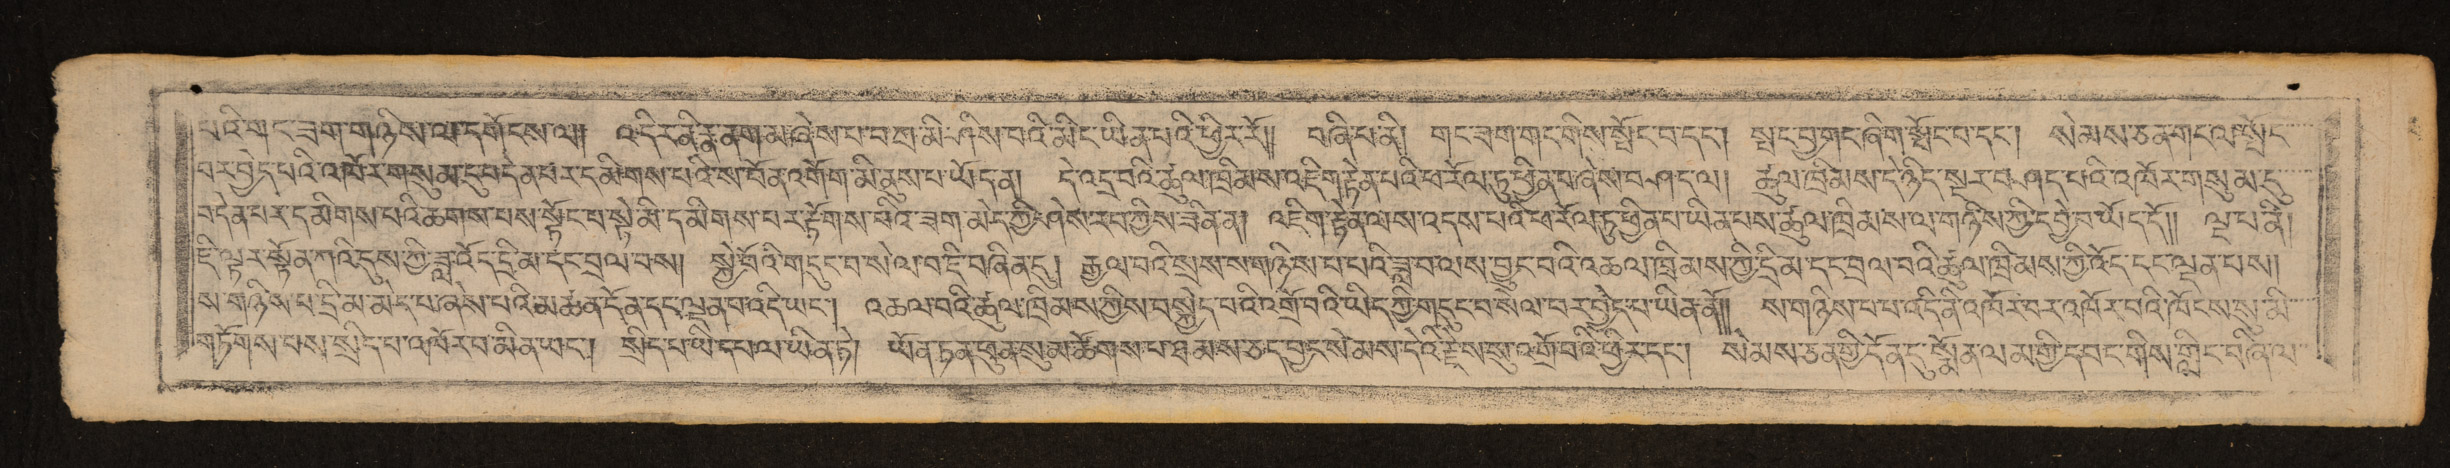པའི་གང་ཟག་གཉིས་ལ་དགོངས་ལ། འདིར་ནི་རྣ་ནག་མ་ཞེས་པ་བཀྲ་མི་ཤིས་པའི་མིང་ཡིན་པའི་ཕྱིར་རོ།། བཞི་པ་ནི། གང་ཟག་གང་གིས་སྤོང་བ་དང་། སྤང་བྱ་གང་ཞིག་སྤོང་བ་དང་། སེམས་ཅན་གང་ལ་སྤོང་
བར་བྱེད་པའི་འཁོར་གསུམ་དུ་བདེན་པར་དམིགས་པའི་ས་བོན་འགོག་མི་ནུས་པ་ཡོད་ན། དེ་འདྲ་བའི་ཚུལ་ཁྲིམས་འཇིག་རྟེན་པའི་ཕ་རོལ་ཏུ་ཕྱིན་པ་ཞེས་བཤད་ལ། ཚུལ་ཁྲིམས་དེ་ཉིད་སྔར་བཤད་པའི་འཁོར་གསུམ་དུ་
བདེན་པར་དམིགས་པའི་ཆགས་པས་སྟོང་པ་སྟེ་མི་དམིགས་པར་རྟོགས་པའི་ཟག་མེད་ཀྱི་ཤེས་རབ་ཀྱིས་ཟིན་ན། འཇིག་རྟེན་ལས་འདས་པའི་ཕ་རོལ་ཏུ་ཕྱིན་པ་ཡིན་པས་ཚུལ་ཁྲིམས་ལ་གཉིས་ཀྱི་དབྱེ་བ་ཡོད་དོ།། ལྔ་པ་ནི།
ཇི་ལྟར་སྟོན་ཀའི་དུས་ཀྱི་ཟླ་འོད་དྲི་མ་དང་བྲལ་བས། སྐྱེ་བོའི་གདུང་བ་སེལ་བ་ཇི་བཞིན་དུ། རྒྱལ་བའི་སྲས་ས་གཉིས་པ་བའི་ཟླ་བ་ལས་བྱུང་བའི་འཆལ་ཁྲིམས་ཀྱི་དྲི་མ་དང་བྲལ་བའི་ཚུལ་ཁྲིམས་ཀྱི་འོད་དང་ལྡན་པས།
ས་གཉིས་པ་དྲི་མ་མེད་པ་ཞེས་པའི་མཚན་དོན་དང་ལྡན་པ་འདི་ཡང་། འཆལ་བའི་ཚུལ་ཁྲིམས་ཀྱིས་བསྐྱེད་པའི་འགྲོ་བའི་ཡིད་ཀྱི་གདུང་བ་སེལ་བར་བྱེད་པ་ཡིན་ནོ།། ས་གཉིས་པ་བ་འདི་ནི་འཁོར་བར་འཁོར་བའི་ཁོངས་སུ་མི་
གཏོགས་པས་སྲིད་པ་འཁོར་བ་མིན་ཡང་། སྲིད་པ་ཡི་དཔལ་ཡིན་ཏེ། ཡོན་ཏན་ཕུན་སུམ་ཚོགས་པ་ཐམས་ཅད་བྱང་སེམས་དེའི་རྗེས་སུ་འགྲོ་བའི་ཕྱིར་དང་། སེམས་ཅན་གྱི་དོན་དུ་སྨོན་ལམ་གྱི་དབང་གིས་གླིང་བཞི་ལ་